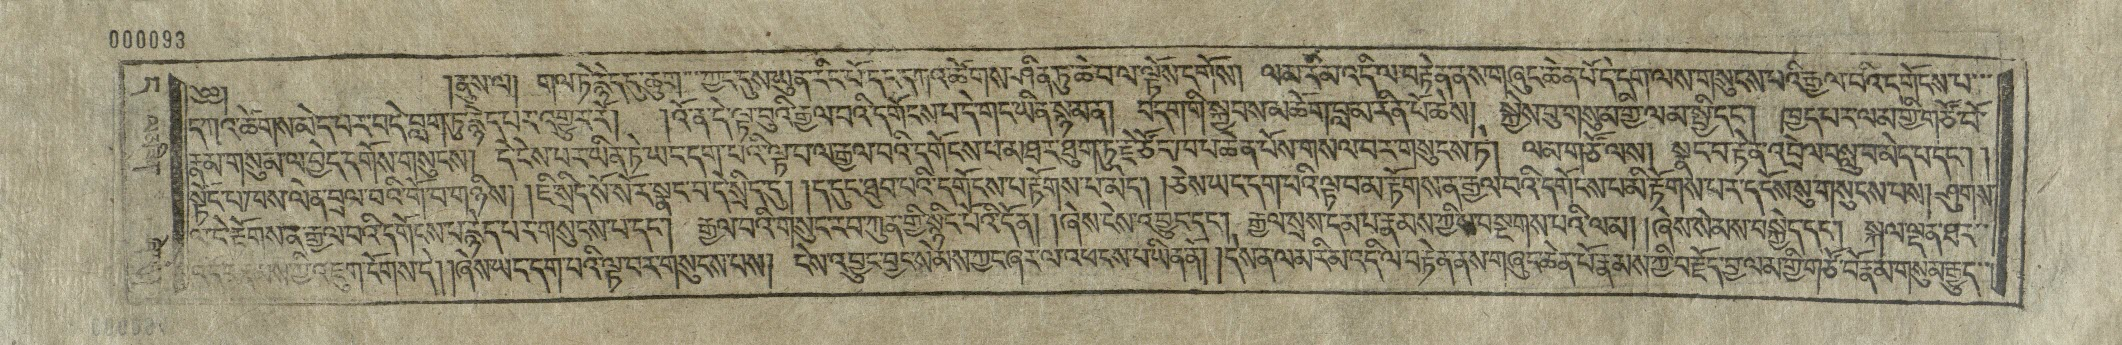༄༅། །ནུས་ལ། གལ་ཏེ་རྙེད་དུ་ཆུག་ཀྱང་དུས་ཡུན་རིང་པོ་དང་དཀའ་ཚེགས་ཤིན་ཏུ་ཆེ་བ་ལ་ལྟོས་དགོས། ལམ་རིམ་འདི་ལ་བརྟེན་ནས་གཞུང་ཆེན་པོ་དེ་དག་ལས་གསུངས་པའི་རྒྱལ་བའི་དགོངས་པ་
དཀའ་ཚེགས་མེད་པར་བདེ་བླག་ཏུ་རྙེད་པར་འགྱུར་རོ། །འོ་ན་དེ་ལྟ་བུའི་རྒྱལ་བའི་དགོངས་པ་དེ་གང་ཡིན་སྙམ་ན། བདག་གི་སྐྱབས་མཆོག་བླ་མ་རིན་པོ་ཆེས། སྐྱེས་བུ་གསུམ་གྱི་ལམ་སྤྱི་དང་། ཁྱད་པར་ལམ་གྱི་གཙོ་བོ་
རྣམ་གསུམ་ལ་བྱེད་དགོས་གསུངས། དེ་ངེས་པར་ཡིན་ཏེ་ཡང་དག་པའི་ལྟ་བ་ལ་རྒྱལ་བའི་དགོངས་པ་མཐར་ཐུག་ཏུ་རྗེ་ཙོང་ཁ་པ་ཆེན་པོས་གསལ་བར་གསུངས་ཏེ། ལམ་གཙོ་ལས། སྣང་བ་རྟེན་འབྲེལ་བསླུ་བ་མེད་པ་དང་། །
སྟོང་པ་ཁས་ལེན་བྲལ་བའི་གོ་བ་གཉིས། །ཇི་སྲིད་སོ་སོར་སྣང་བ་དེ་སྲིད་དུ། །ད་དུང་ཐུབ་པའི་དགོངས་པ་རྟོགས་པ་མེད། །ཅེས་ཡང་དག་པའི་ལྟ་བ་མ་རྟོགས་ན་རྒྱལ་བའི་དགོངས་པ་མི་རྟོགས་པར་དངོས་སུ་གསུངས་པས། ཤུགས་
ལ་དེ་རྟོགས་ན་རྒྱལ་བའི་དགོངས་པ་རྙེད་པར་གསུངས་པ་དང་། རྒྱལ་བའི་གསུང་རབ་ཀུན་གྱི་སྙིང་པོའི་དོན། །ཞེས་ངེས་འབྱུང་དང་། རྒྱལ་སྲས་དམ་པ་རྣམས་ཀྱིས་བསྔགས་པའི་ལམ། །ཞེས་སེམས་བསྐྱེད་དང་། སྐལ་ལྡན་ཐར་
འདོད་རྣམས་ཀྱི་འཇུག་ངོགས་?་དེ། །ཞེས་ཡང་དག་པའི་ལྟ་བར་གསུངས་པས། ངེས་འབྱུང་བྱང་སེམས་ཀྱང་ཞར་ལ་འཕངས་པ་ཡིན་ནོ། །དེས་ན་ལམ་རིམ་འདི་ལ་བརྟེན་ནས་གཞུང་ཆེན་པོ་རྣམས་ཀྱི་བརྗོད་བྱ་ལམ་གྱི་གཙོ་བོ་རྣམ་གསུམ་རྒྱུད་